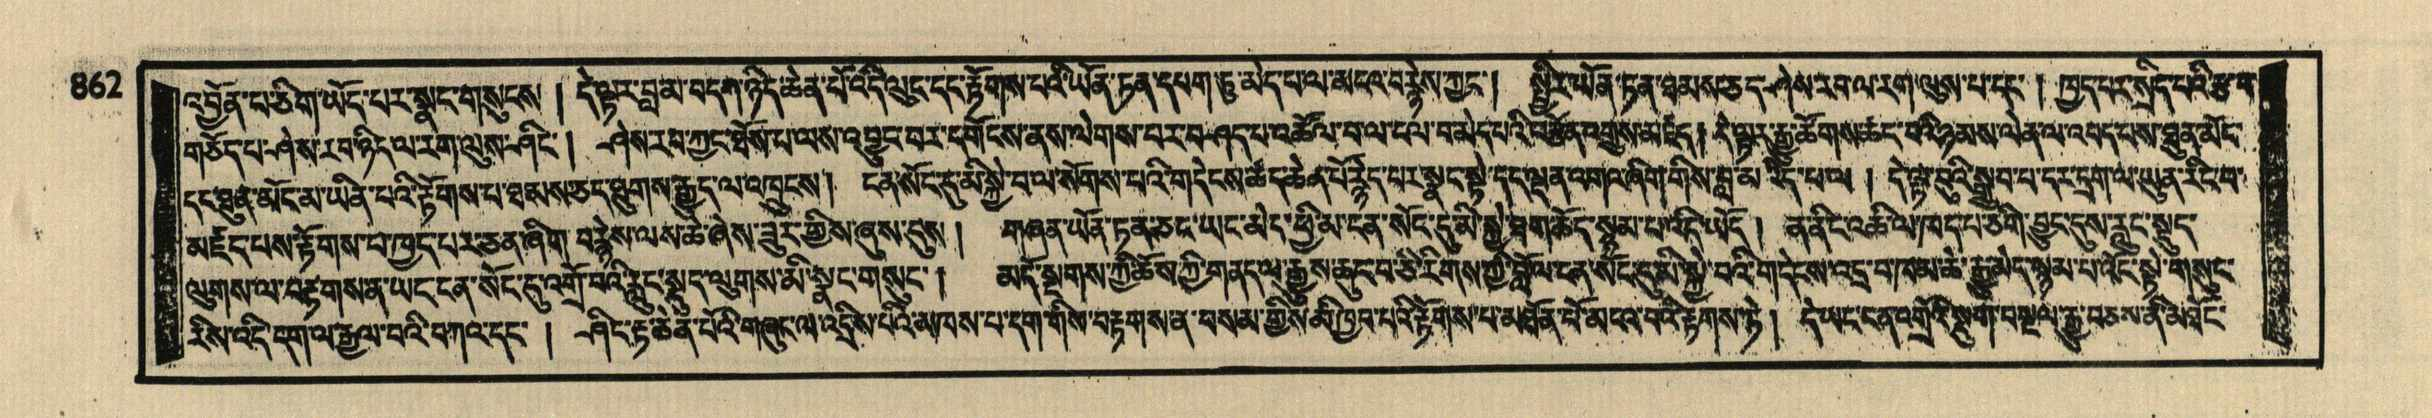འབྱོན་པ་ཅིག་ཡོད་པར་སྣང་གསུངས། དེ་ལྟར་བླ་མ་བདག་ཉིད་ཆེན་པོ་འདི་ལུང་དང་རྟོགས་པའི་ཡོན་ཏན་དཔག་ཏུ་མེད་པ་ལ་མངའ་བརྙེས་ཀྱང་། སྤྱིར་ཡོན་ཏན་ཐམས་ཅད་ཤེས་རབ་ལ་རག་ལུས་པ་དང་། ཁྱད་པར་སྲིད་པའི་རྩ་བ་
གཅོད་པ་ཤེས་རབ་ཉིད་ལ་རག་ལུས་ཤིང་། ཤེས་རབ་ཀྱང་ཐོས་པ་ལས་འབྱུང་བར་དགོངས་ནས་ལེགས་པར་བཤད་པ་འཚོལ་བ་ལ་ངལ་བ་མེད་པའི་བརྩོན་འགྲུས་མཛད། དེ་ལྟར་རྒྱུ་ཚོགས་ཚང་བའི་ཉམས་ལེན་ལ་འབད་པས་ཐུན་མོང་
དང་ཐུན་མོང་མ་ཡིན་པའི་རྟོགས་པ་ཐམས་ཅད་ཐུགས་རྒྱུད་ལ་འཁྲུངས། ངན་སོང་དུ་མི་སྐྱེ་བ་ལ་སོགས་པའི་གདེངས་ཚད་ཆེན་པོ་རྙེད་པར་སྣང་སྟེ་དང་ལྡན་འགའ་ཞིག་གིས་བླ་མ་འདི་པ་ལ། དེ་ལྟ་བུའི་སྒྲུབ་པ་དར་དྲག་ལ་ཡུན་རིང་བ་
མཛད་པས་རྟོགས་པ་ཁྱད་པར་ཅན་ཞིག་བརྙེས་ལས་ཆེ་ཞེས་ཟུར་གྱིས་ཞུས་དུས། གཞན་ཡོན་ཏན་ཅང་ཡང་མེད་ཕྱི་མ་ངན་སོང་དུ་མི་སྐྱེ་ཐག་ཆོས་སྙམ་པ་འདི་ཡོད། ན་ནིང་འཆི་ལ་ཁད་པ་ཅིག་བྱུང་དུས་རླུང་སྡུད་
ལུགས་ལ་བརྟགས་ན་ཡང་ངན་སོང་དུ་འགྲོ་བའི་རླུང་སྡུད་ལུགས་མི་སྣང་གསུང་། མདོ་སྔགས་ཀྱི་ཆོས་ཀྱི་གནད་ལ་རྒྱུས་ཆུང་བ་ཅི་རིགས་ཀྱི་བློ་ལ་ངན་སོང་དུ་མི་སྐྱེ་བའི་གདེངས་འདྲ་བ་ཁམ་ཆེ་རྒྱུ་མེད་སྙམ་པ་འོང་སྟེ་གསུང་
རིས་འདི་དག་ལ་རྒྱལ་བའི་བཀའ་དང་། ཤིང་རྟ་ཆེན་པོའི་གཞུང་ལ་འདྲིས་པའི་མཁས་པ་དག་གིས་བརྟགས་ན་བསམ་གྱིས་མི་ཁྱབ་པའི་རྟོགས་པ་མཐོན་པོ་མངའ་བའི་རྟགས་ཏེ། དེ་ཡང་ངན་འགྲོའི་སྡུག་བསྔལ་རྒྱུ་བཅས་ནི་མཐོང་